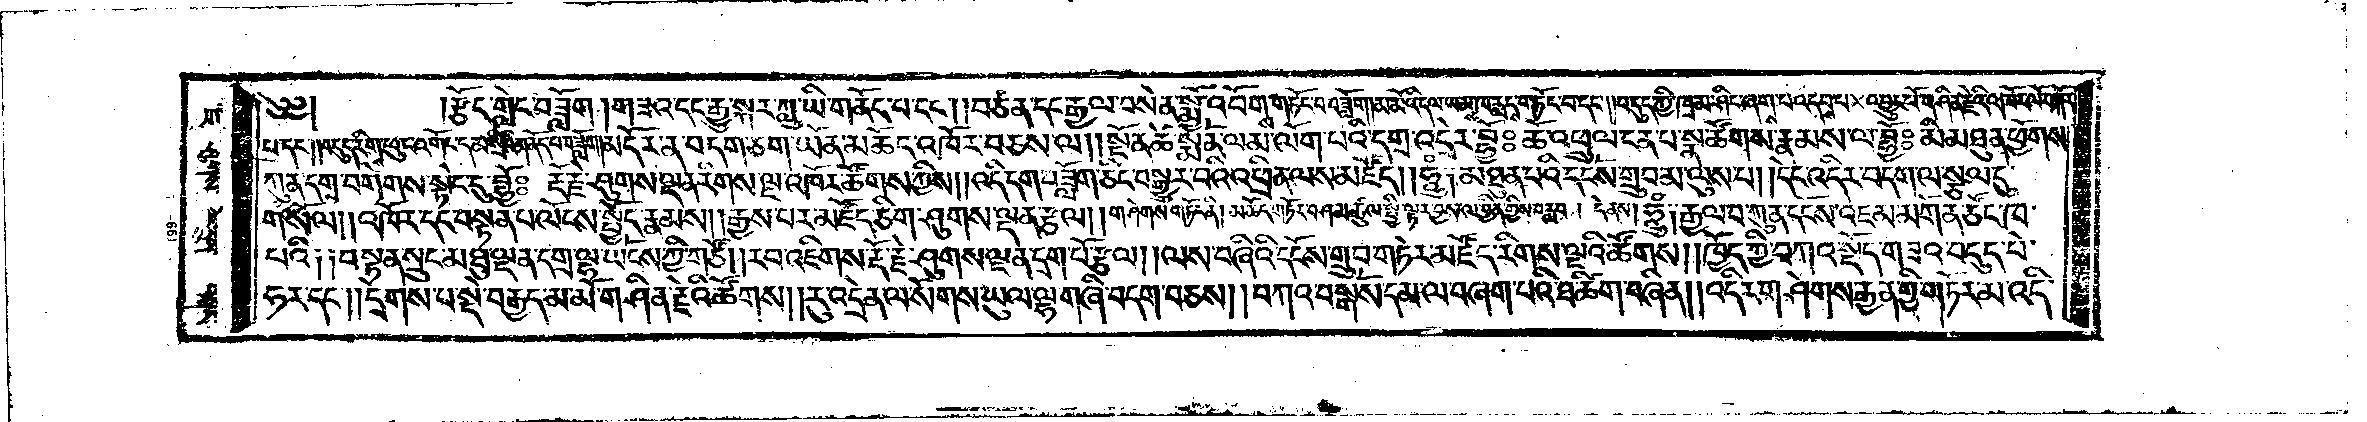༄༅། །རྩོད་གླེང་བཟློག །གཟའ་དང་རྒྱུ་སྐར་ཀླུ་ཡི་གནོང་པ་དང་། །བཙན་དང་རྒྱལ་བ་སེན་སྨྱོ་འབོགས་གཏོང་བ་བཟློག། མ་མོའི་དལ་ལ་མཁས་བརླངས་གཏོང་བ་དང་། །བདུད་ཀྱི་ཁྲམ་ཤིང་ཞགས་པ་འདེབས་པ་྾་འབྱུང་པོ་གཤིན་རྗེའི་འཁོར་ལོ་བསྐོར་
པ་དང་། །བདུད་རིག་ཕུང་འགོང་དམ་སྲིའི་གནོད་པ་བཟློག། །མདོར་ན་བདག་ཅག་ཡོན་མཆོད་འཁོར་བཅས་ལ། །སྔོན་ཚེ་སྨོན་ལམ་ལོག་པའི་དགྲ་འདེར་བྷྱོཿ ཆོ་འཕྲུལ་ངན་པ་སྣ་ཚོགས་རྣམས་ལ་བྷྱོཿ མི་མཐུན་ཕྱོགས་
ཀུན་དགྲ་བགེགས་སྟེང་དུ་བྷྱོཿ རྡོ་རྗེ་ཤུགས་ལྡན་རིགས་ལྔ་འཁོར་ཚོགས་ཀྱིས། །འདི་དག་བཟློག་ཅིང་བསྐྱུར་བའི་འཕྲིན་ལས་མཛོད། །ཧཱུཾ༑ མཐུན་པའི་དངོས་གྲུབ་མ་ལུས་པ། །དེང་འདིར་བདག་ལ་སྩལ་དུ་
གསོལ། །འཁོར་དང་བསྟན་པ་ལོངས་སྤྱོད་རྣམས། །རྒྱས་པར་མཛོད་ཅིག་ཤུགས་ལྡན་རྩལ། །གཤེགས་གཏོར་ནི། མཆོད་གཏོར་བཤམ་ཚུལ་སྤྱི་ལྟར་བྱས་ལ་བྱིན་གྱིས་བརླབས་དེ་ནས།  ཧཱུཾ༑ རྒྱལ་བ་ཀུན་དངོས་འཇམ་མགོན་ཙོང་ཁ་
པའི༑ ༑བསྟན་སྲུང་མཐུ་ལྡན་དགྲ་ལྷ་ཡོངས་ཀྱི་གཙོ། །རབ་འཇིགས་རྡོ་རྗེ་ཤུགས་ལྡན་དྲག་པོ་རྩལ། །ལས་བཞིའི་དངོས་གྲུབ་གཏེར་མཛོད་རིགས་ལྔའི་ཚོགས། །ཁྱོད་ཀྱི་བཀའ་སྡོད་གཟའ་བདུད་པ་
ཧར་དང་། །དྲེགས་པ་སྡེ་བརྒྱད་མ་མོ་གཤིན་རྗེའི་ཚོགས། །རུ་འདྲེན་ལ་སོགས་ཡུལ་ལྷ་གཞི་བདག་བཅས། །བཀའ་བསྒོས་དམ་ལ་བཞག་པའི་ཐ་ཚིག་བཞིན། །འདིར་གཤེགས་རྒྱན་གྱི་གཏོར་མ་འདི་